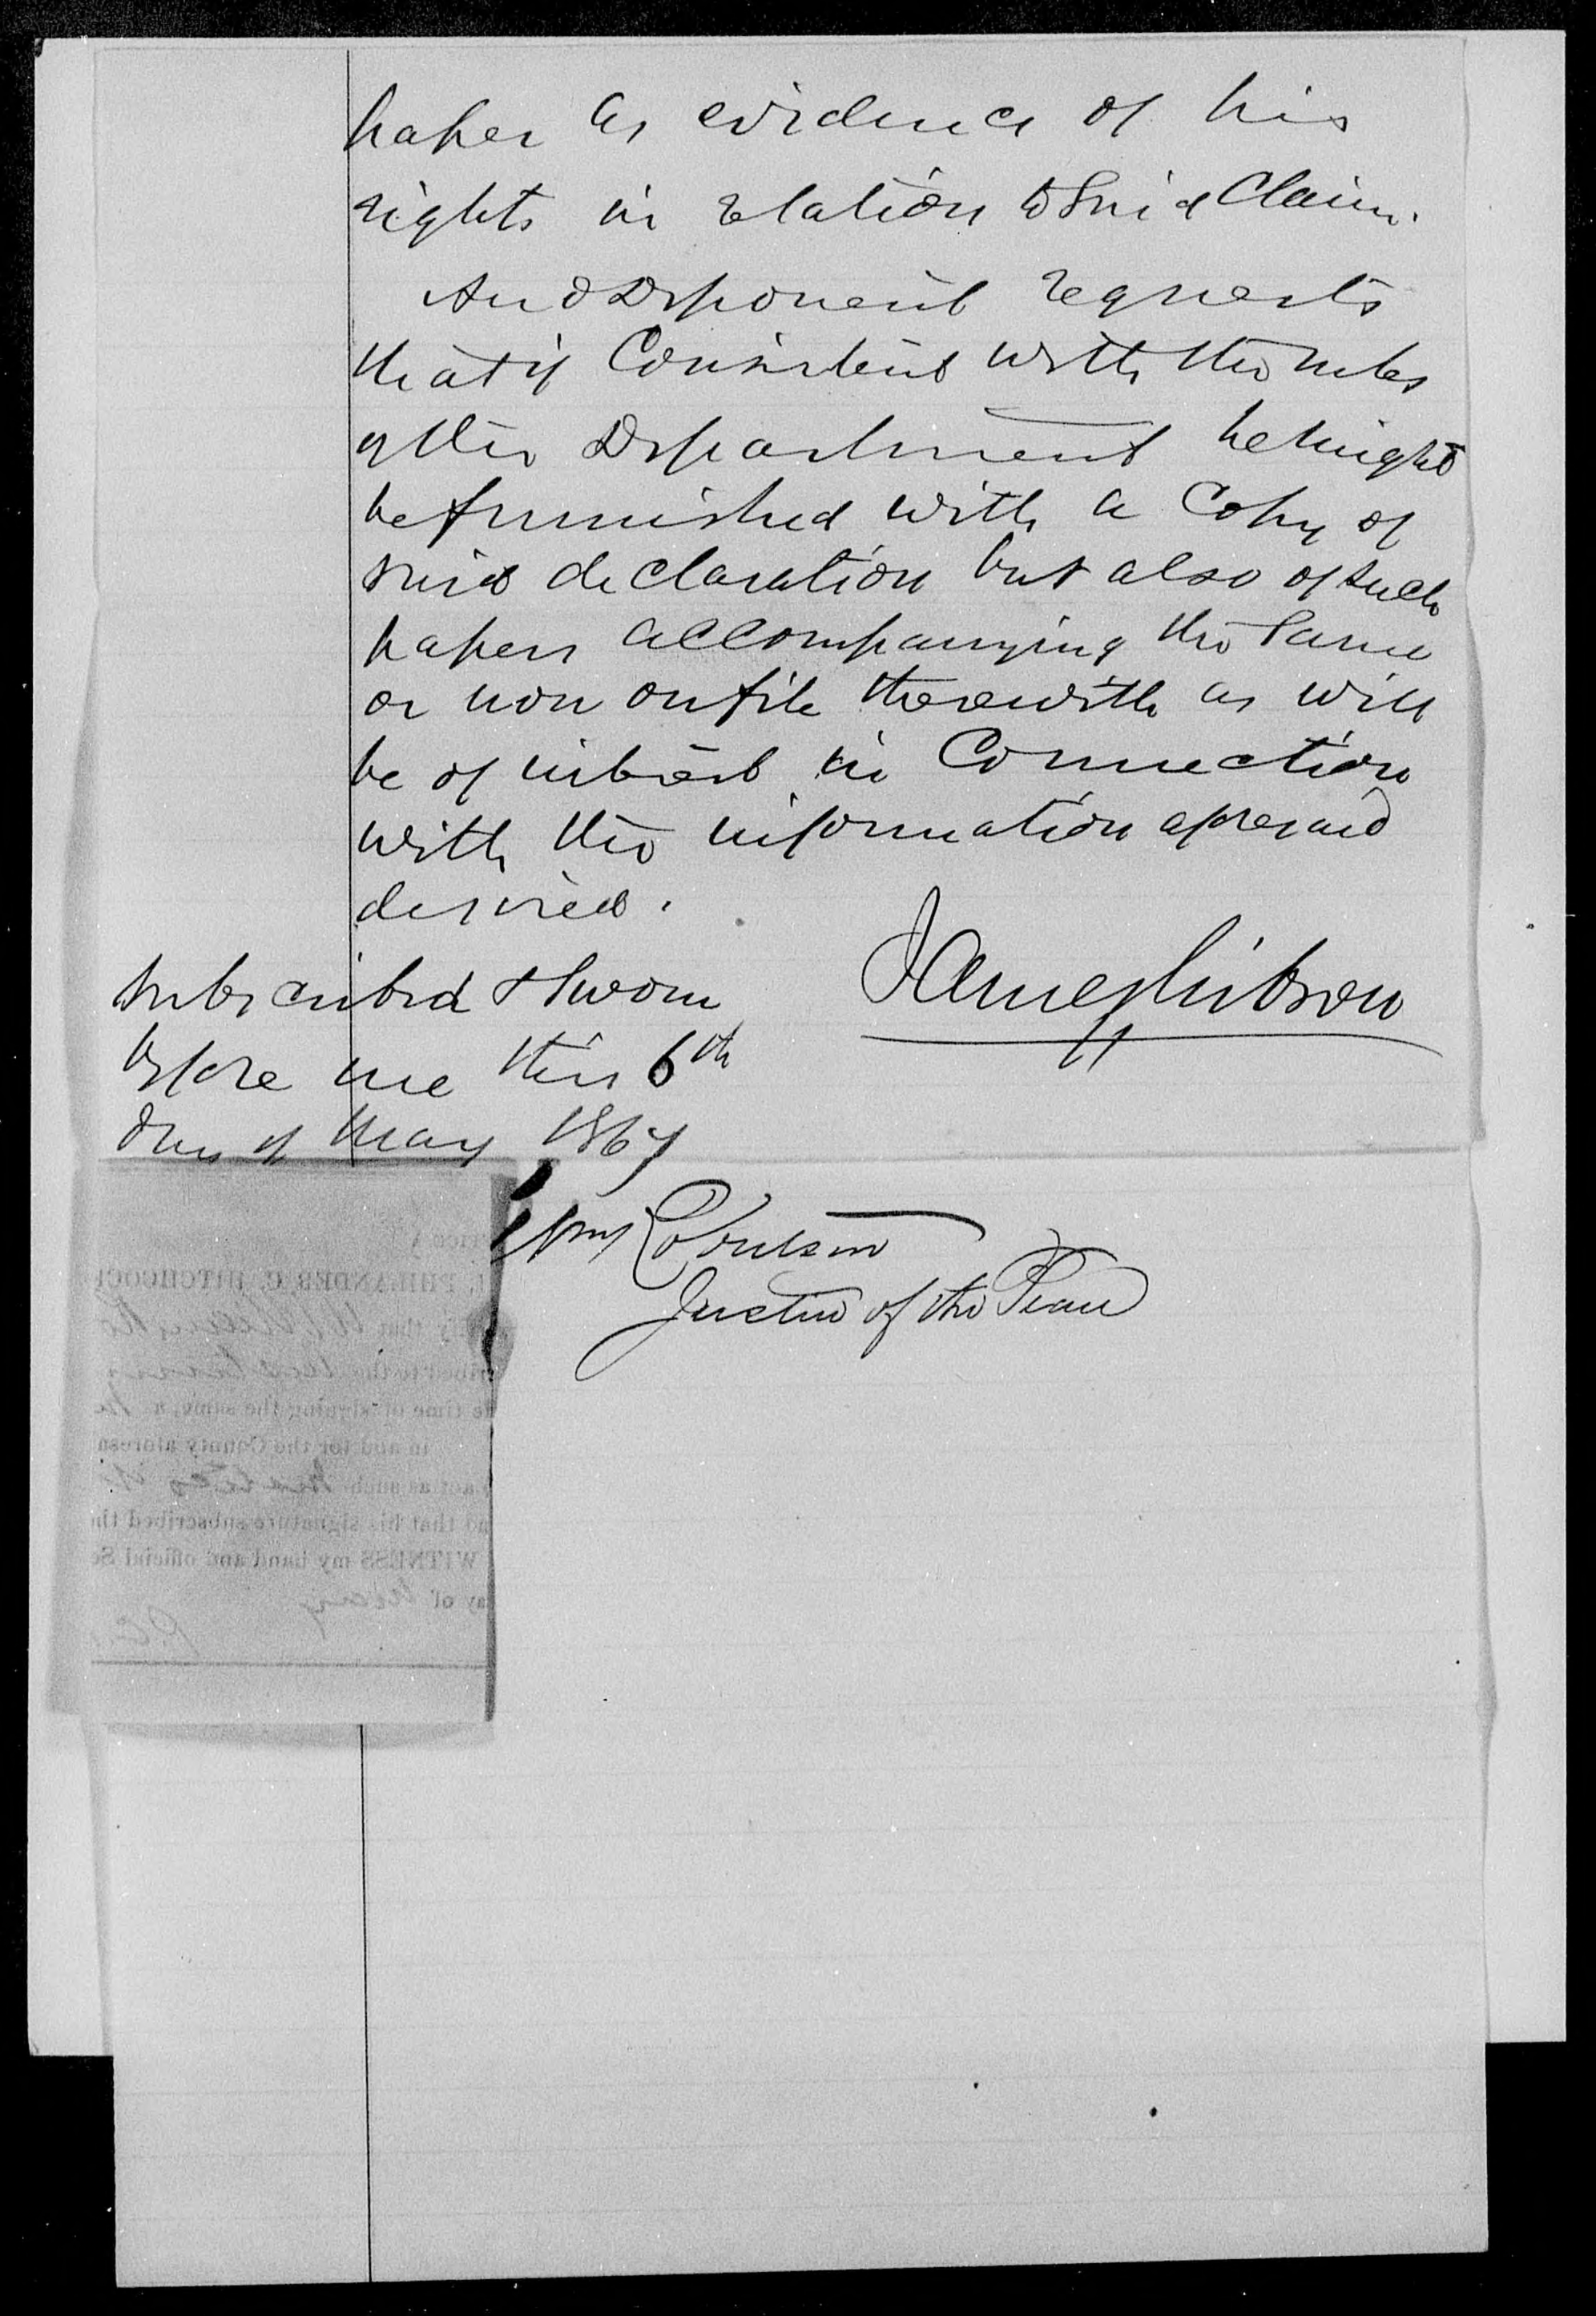paper as evidence of his
rights in relation to said claim.
And Deponent requests
that if consistent with the rules
of the Department he might
be furnished with a copy of
said declaration but also of such
papers accompanying the same
or now on file therewith as will be
of interest in Connection
with the information aforesaid
desired.
James Gibson
Subscribed & Sworn
Before me this 6th
Day of May 1867
Wm Robertson
Justice of the Peace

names: James Gibson, Wm Robertson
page: 12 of 32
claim: survivor's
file: S. 34899, John Gibson, R.I.